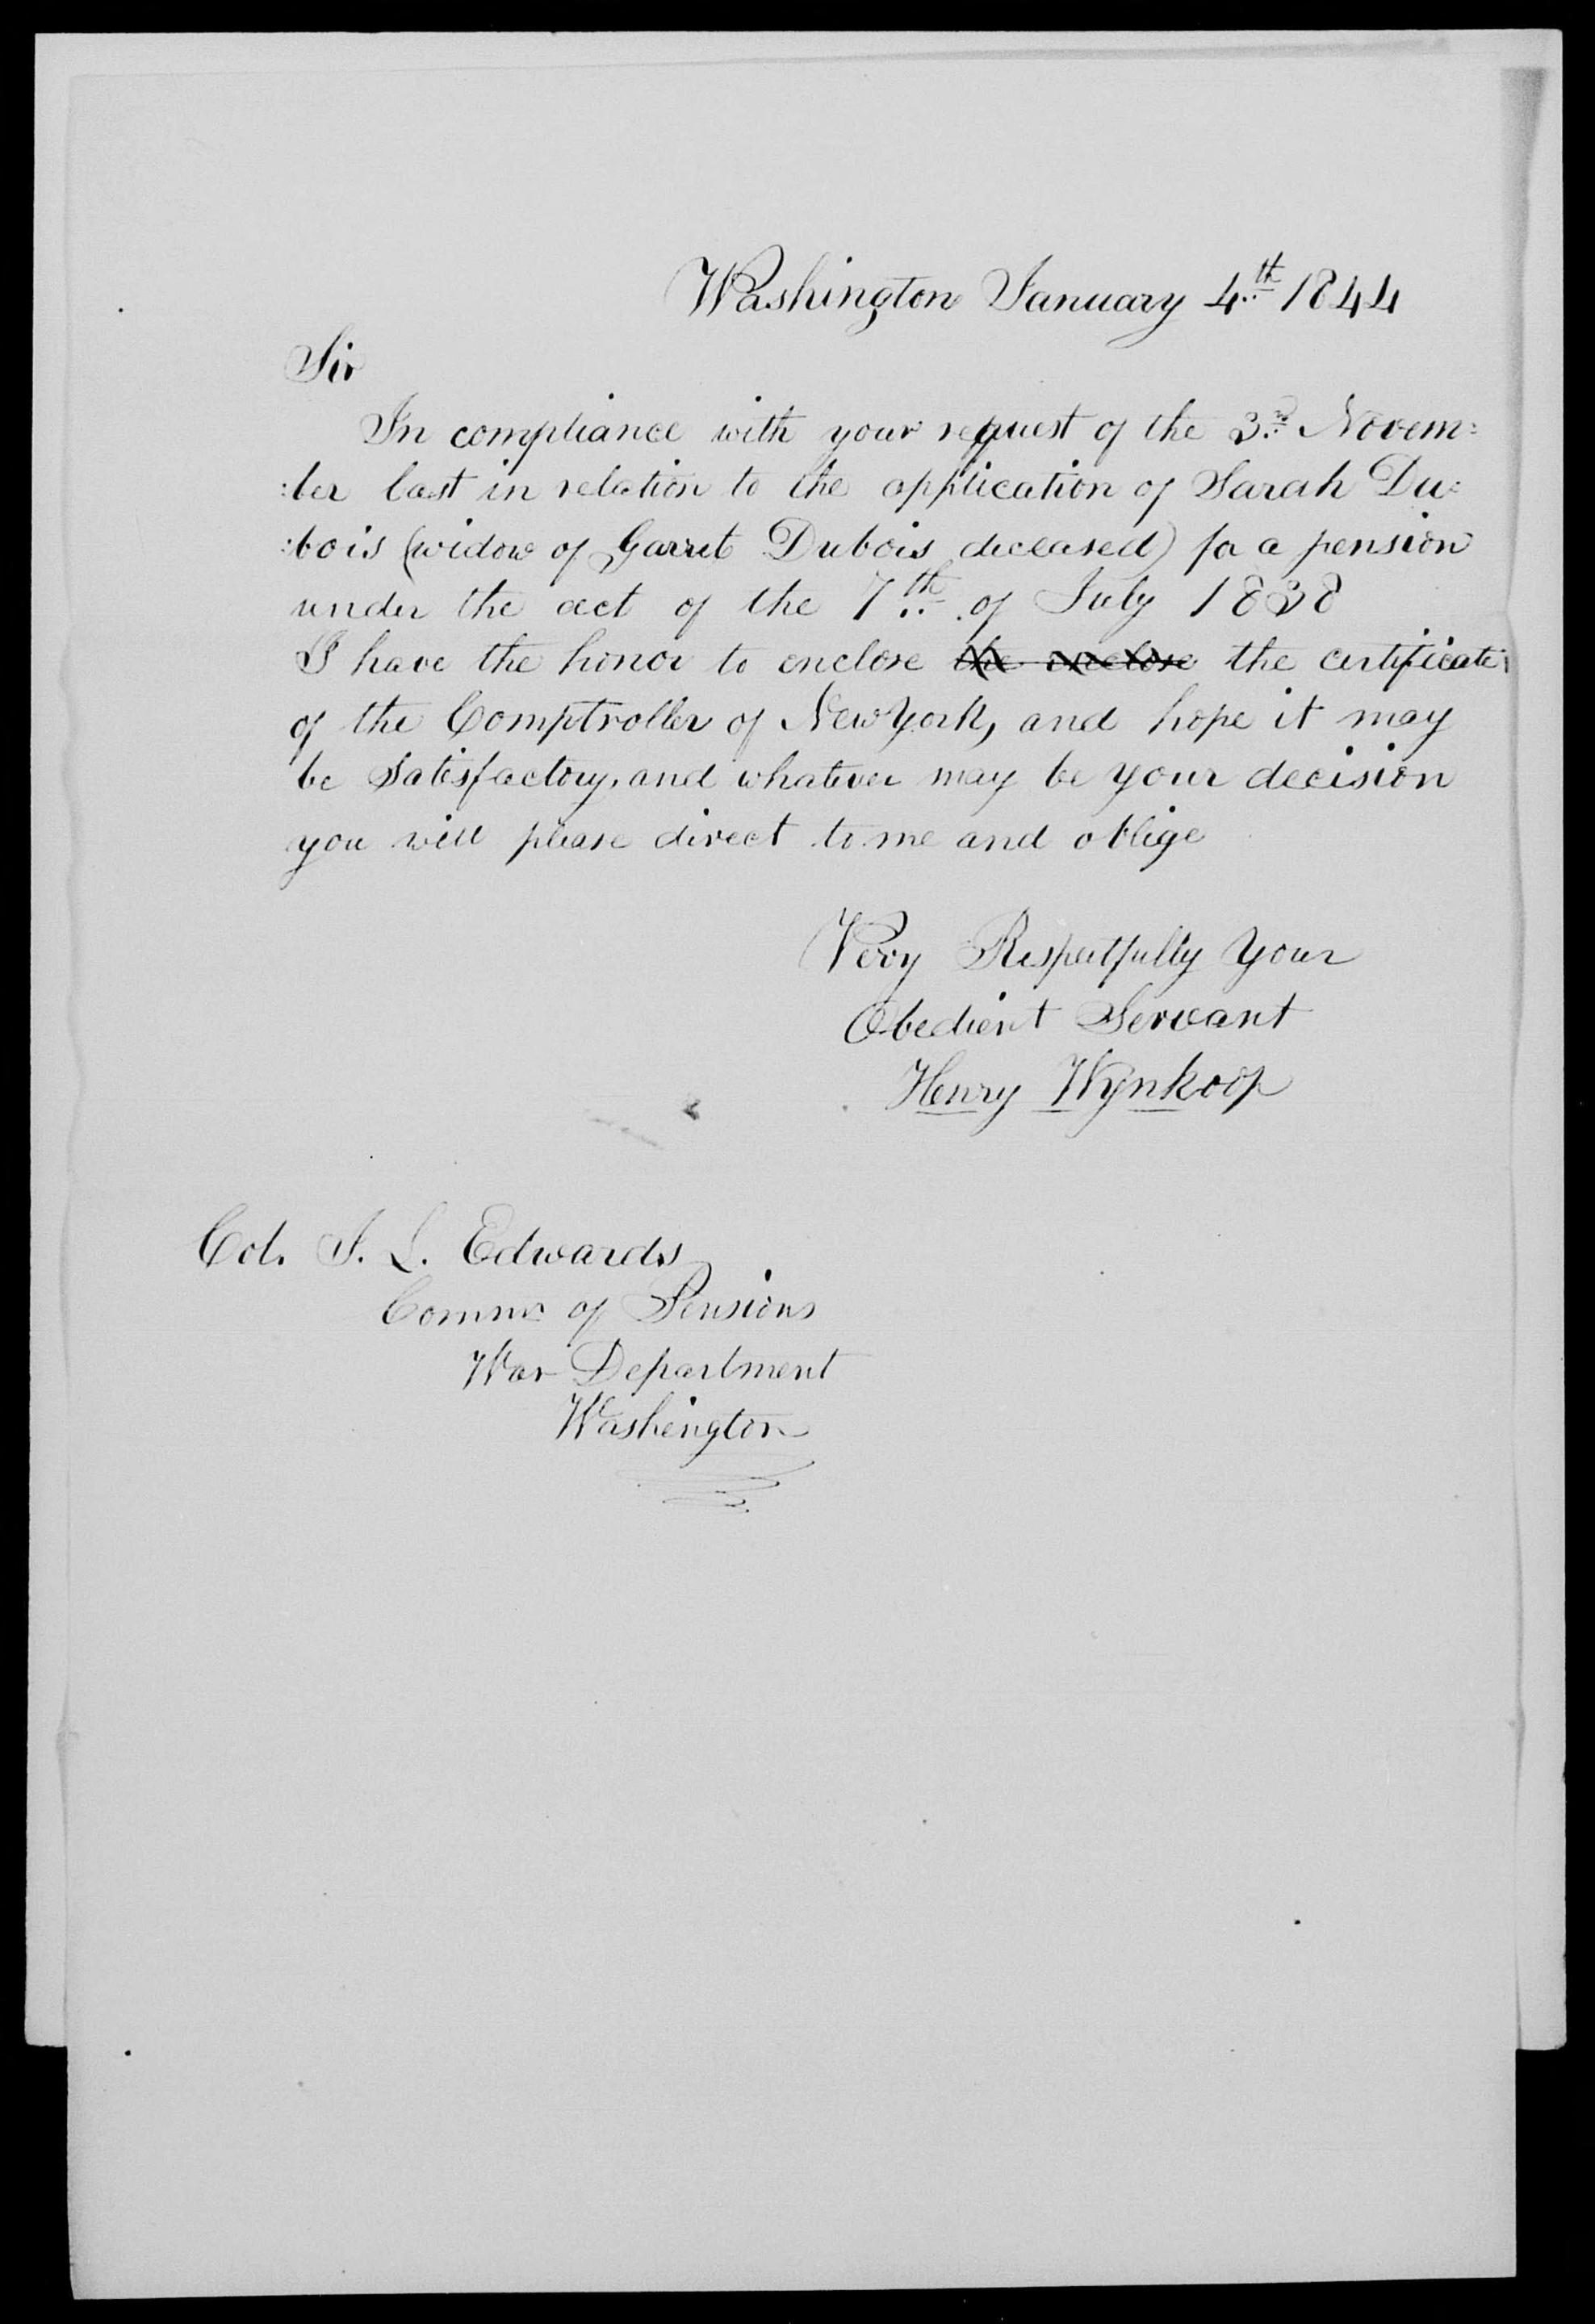Washington January 4th 1844
Sir
In compliance with your request of the 3d November last in relation to the application of Sarah Dubois (widow of Garret Dubois deceased) for a pension
under the act of the 7th of July 1838 I have the honor to enclose the certificate of the Comptroller of New York, and hope it may be satisfactory, and whatever may be your decision you will please direct to me and oblige
Very Respectfully your
Obedient Servant
Henry Wynkoop
Col. J. S. Edwards
Comm of Pensions
War Department
Washington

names: Henry Wynkoop, J L Edwards, Sarah Dubois, Garret Dubois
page: 30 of 36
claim: widow's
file: W 20995, Gerrit Dubois, New York